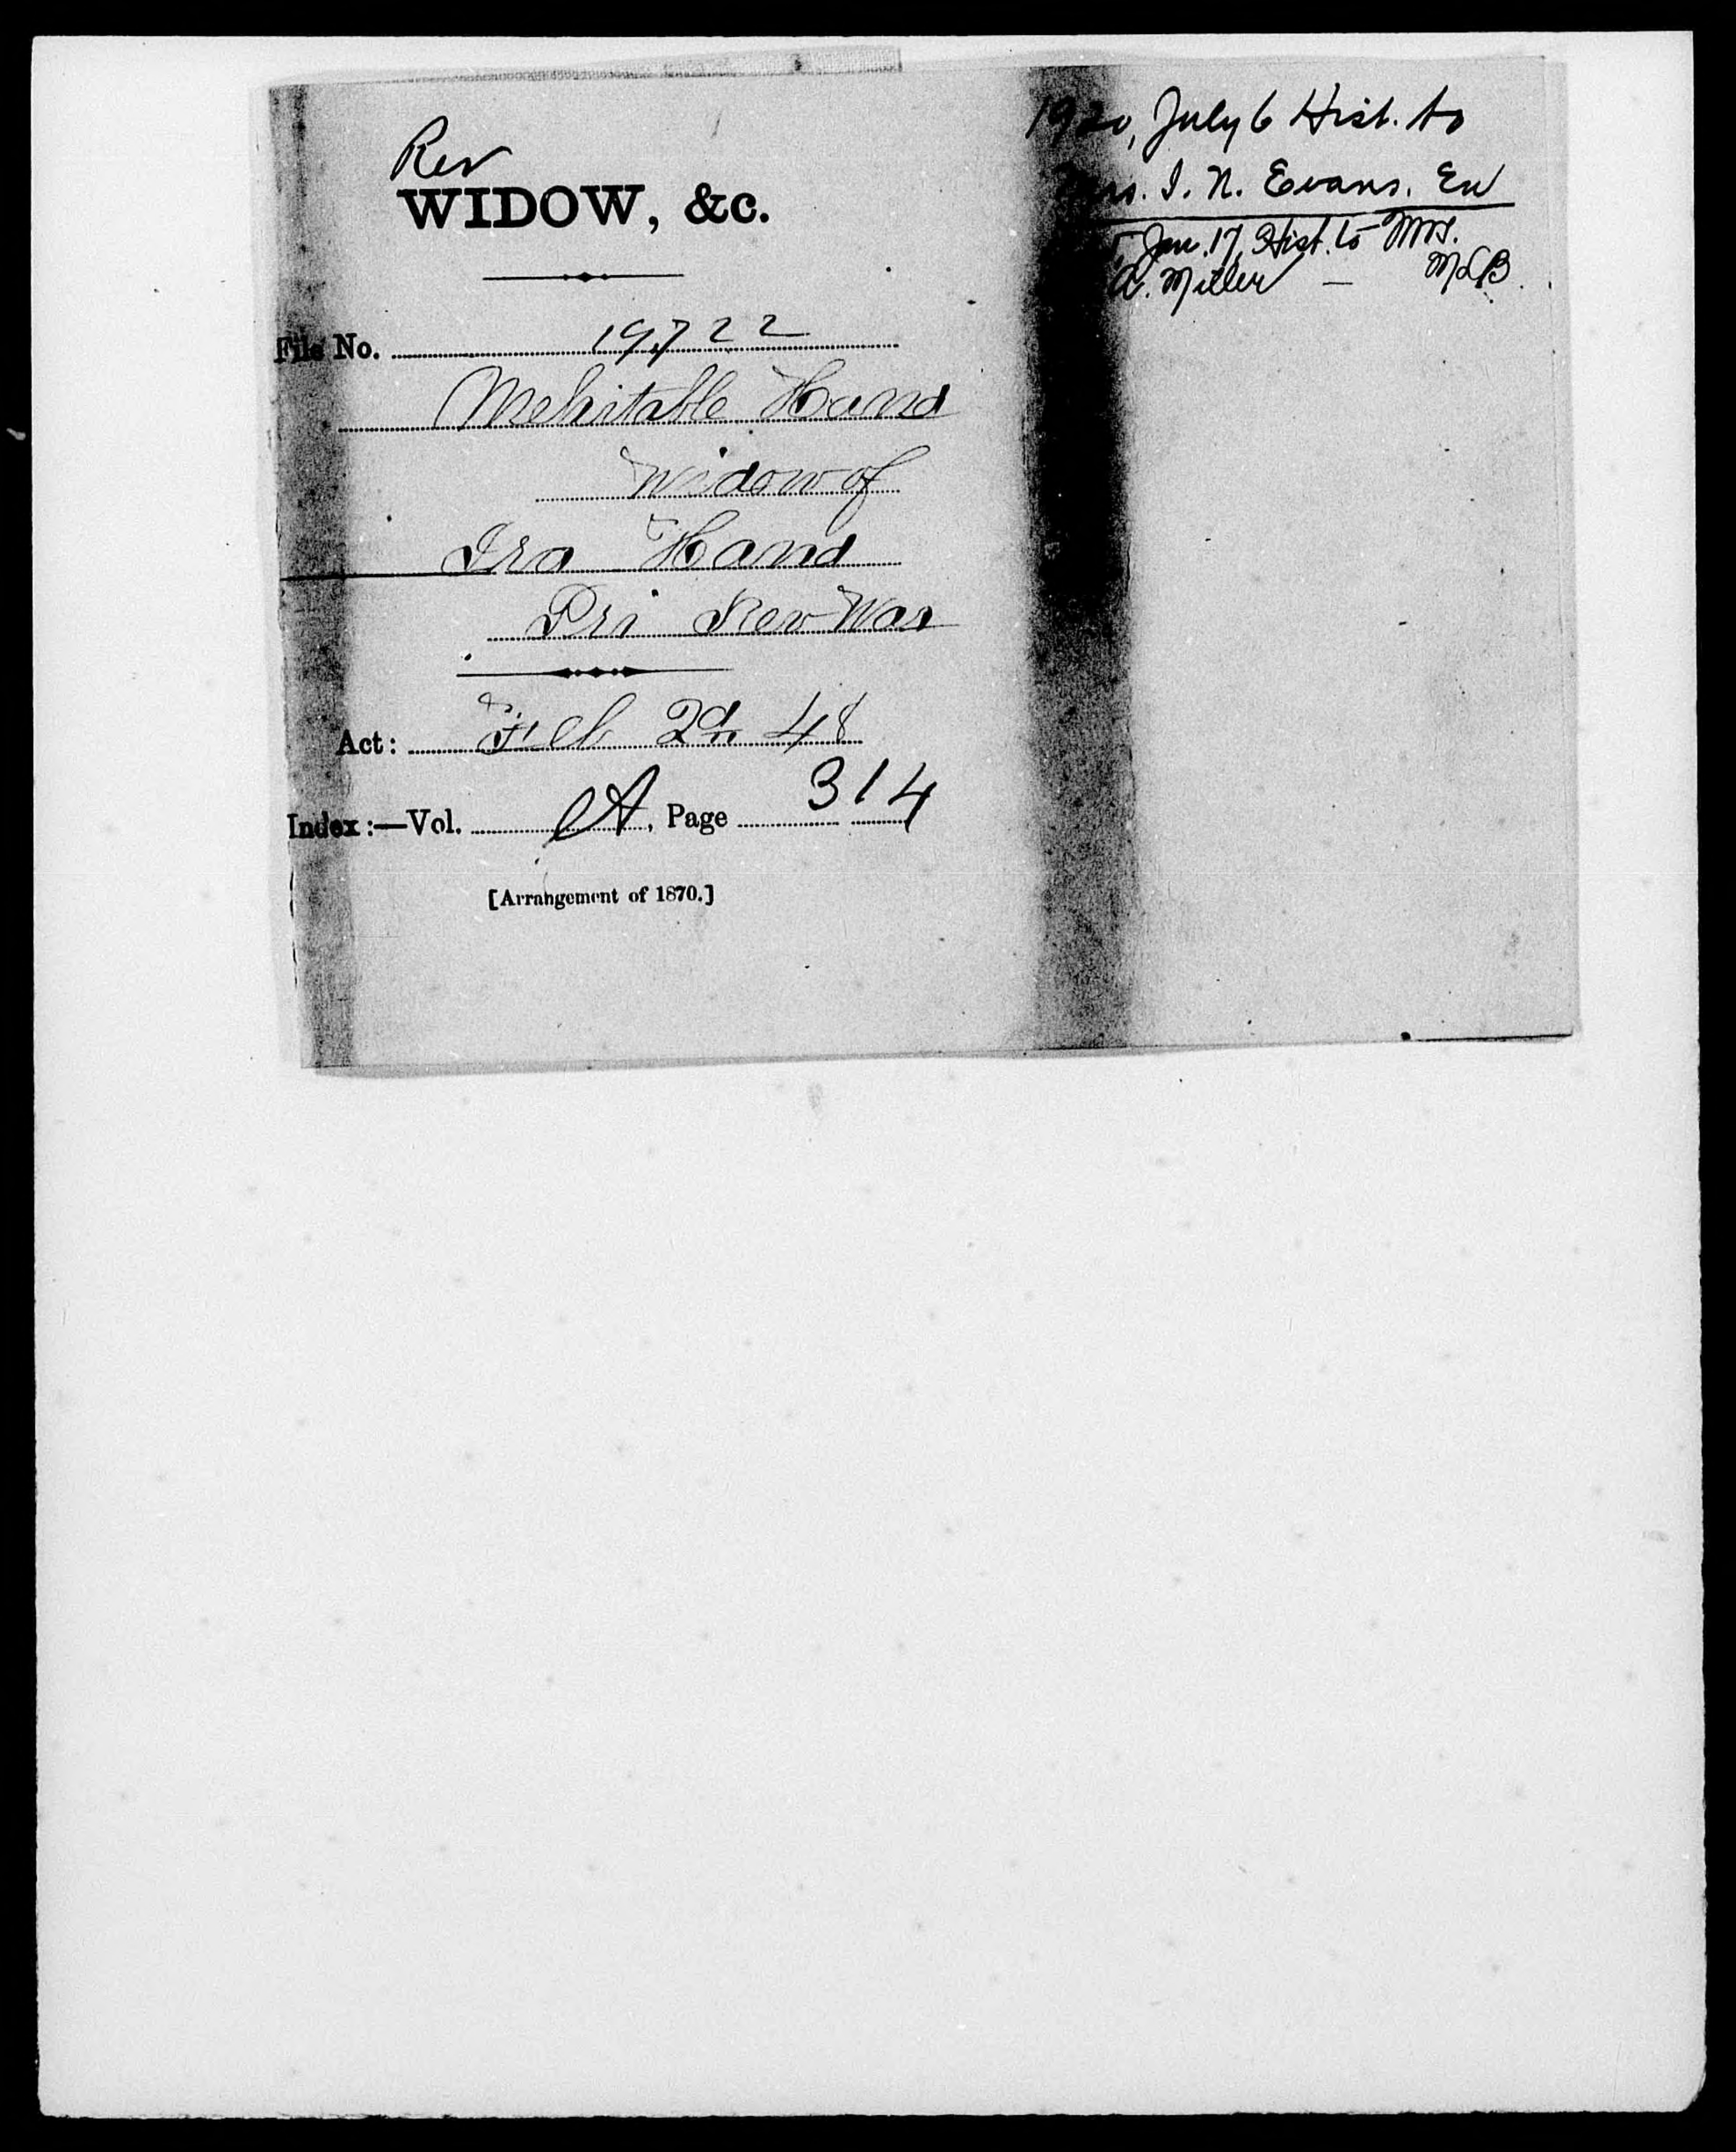Rev
WIDOW & c.
File No. 19722
Mehitable Hand
Widow of 
Ira Hand
Pri Rev War
Act. Feb ed 48
Index: - Vol A page 314
[arrangement of 1870]

1920 July Hist. to
Mrs. J.N. Evans, esq
[] Jan. 17 Hist. to Mrs. [] A. Miller- MoCB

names: Mehitable Hand, A Miller, Ira Hand, J N Evans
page: 16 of 42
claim: widow's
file: W. 19,722, Ira Hand, N.H. Vt.